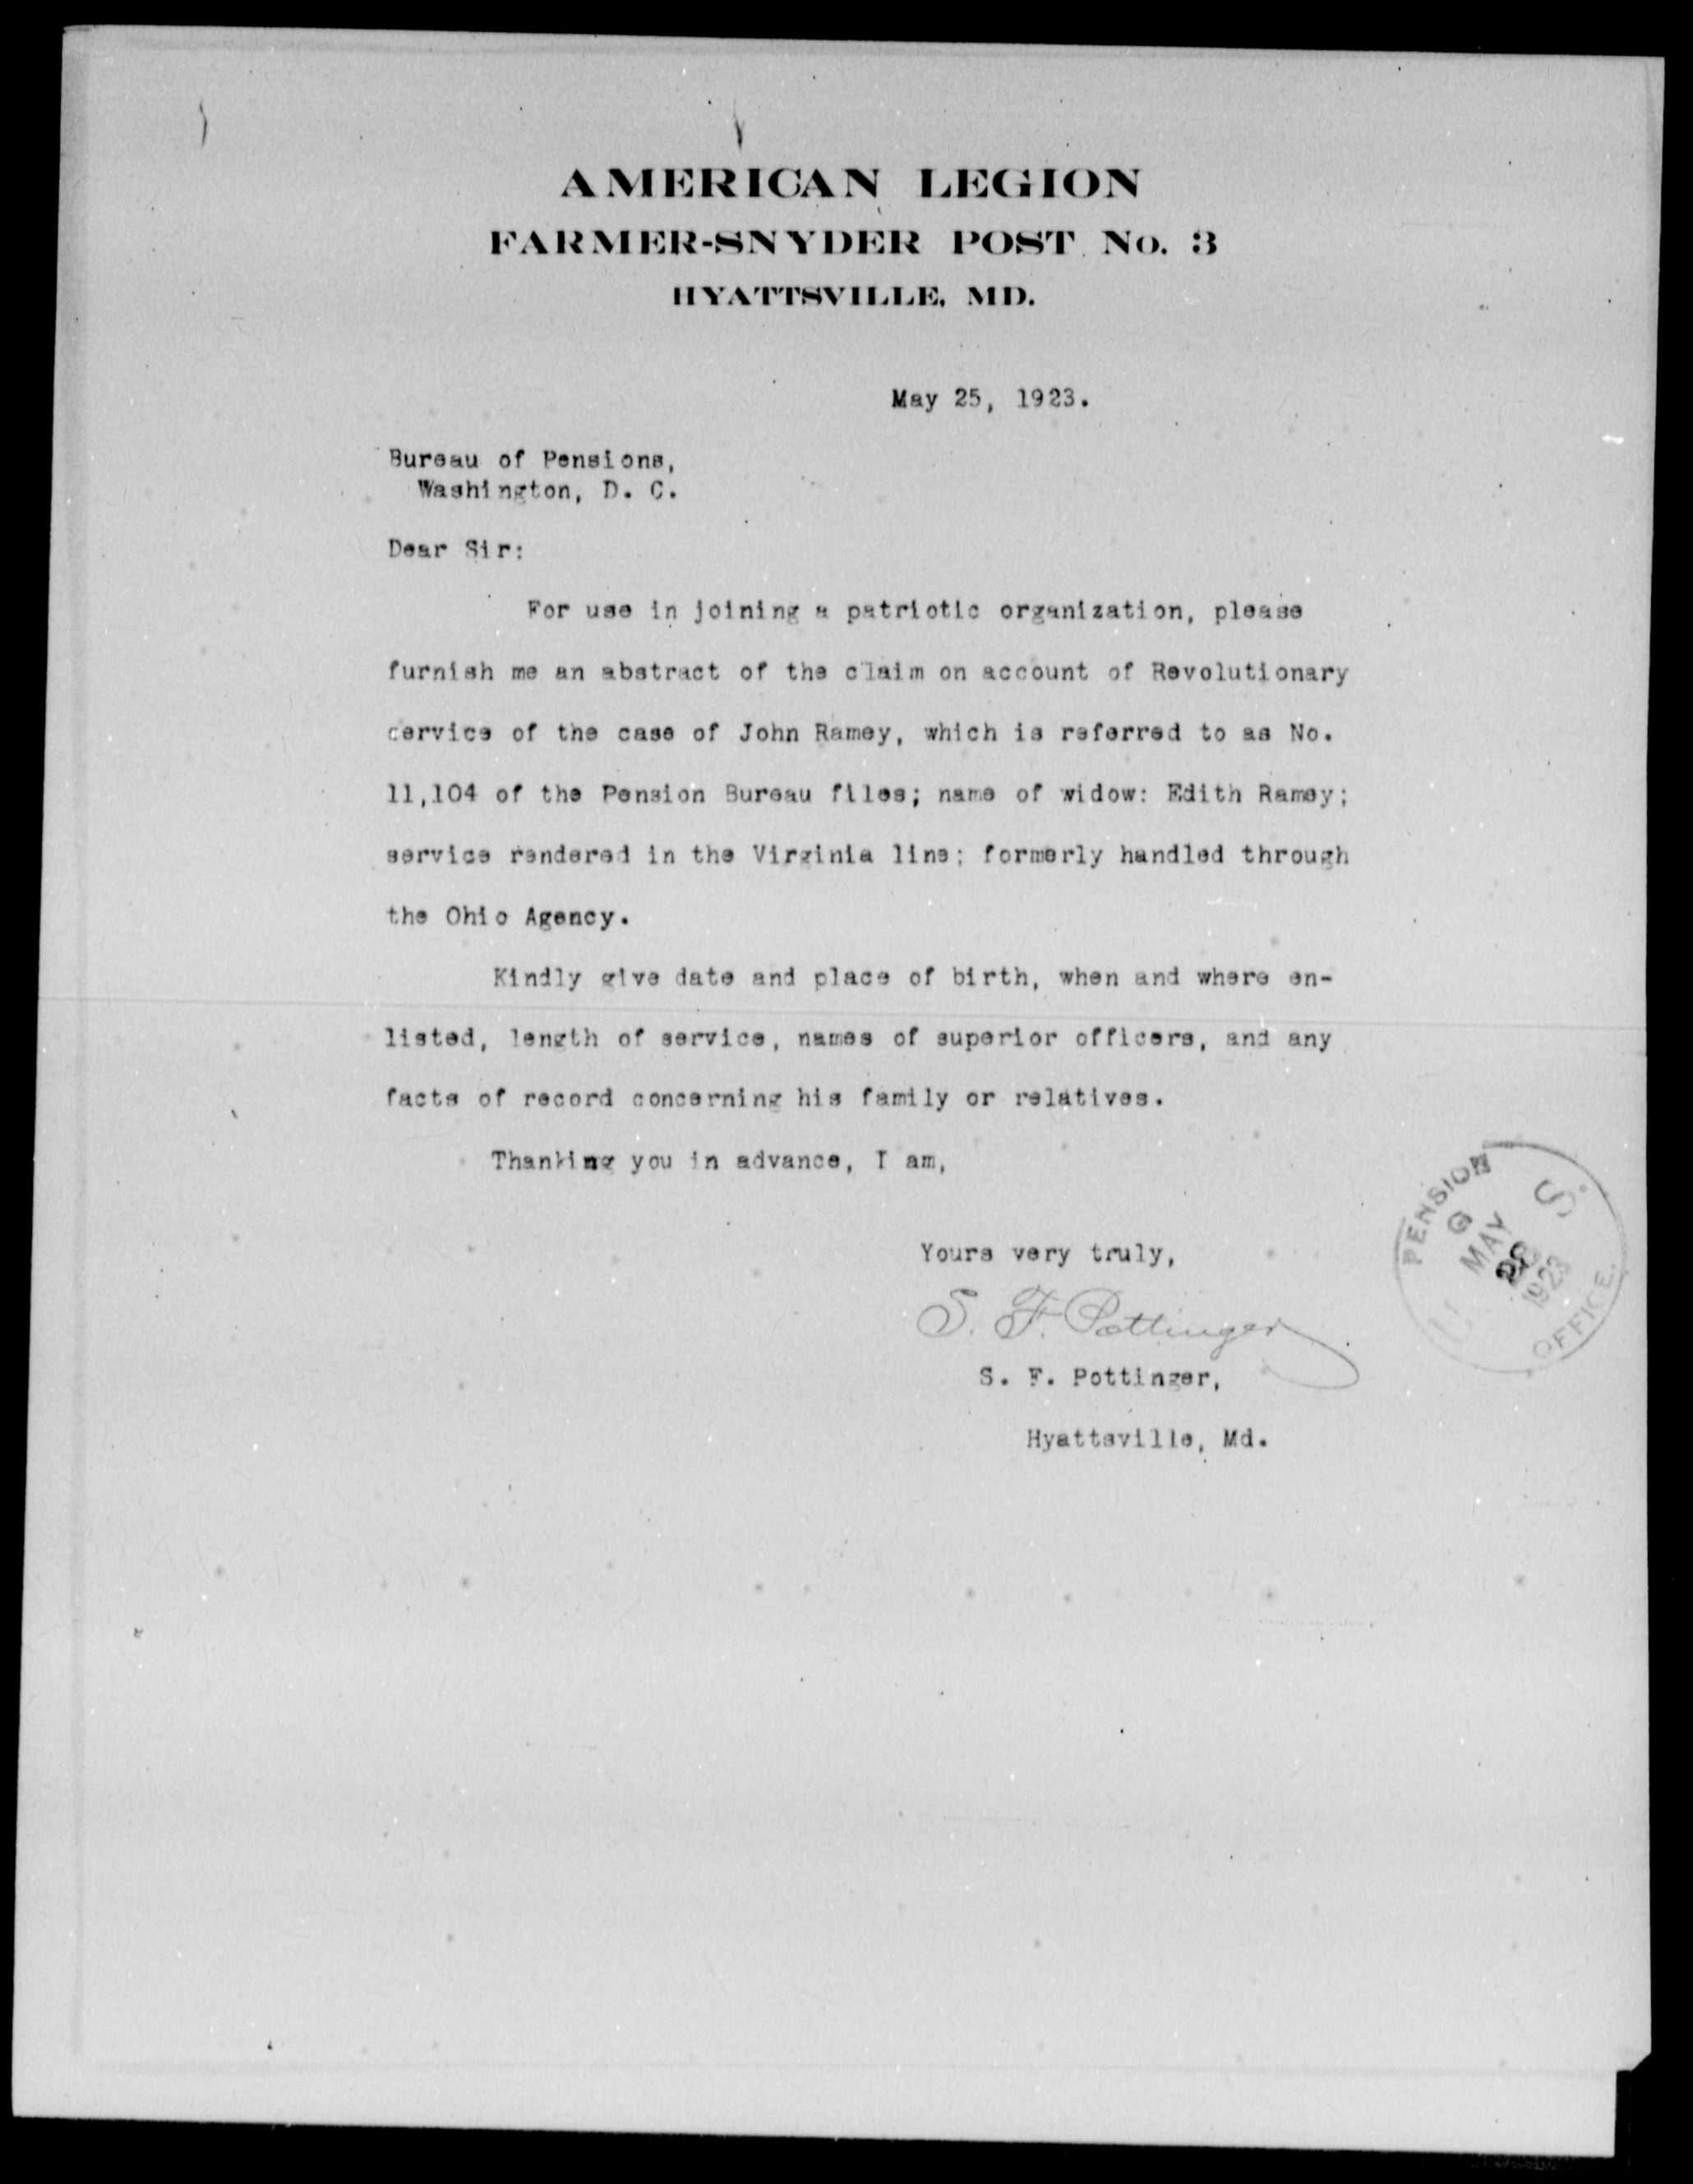AMERICAN LEGION
FARMER-SNYDER POST No.3
HYATTSVILLE, MD.
         May 25, 1923.
Bureau of Pensions
Washington, D.C.
Dear Sir: For use in joining a patriotic organization, please furnish me an abstract of the claim on account of Revolutionary [s]ervice of
the case of John Ramey, which is referred to [as] No. 11,104 of the Pension Bureau files; name of widow:Edith Ramey; service rendered in the Virginia line; formerly handled through the Ohio Agency. 
Kindly give date and place of birth, when and where enlisted, length of service, names of superior officers, and any facts record concerning his family or relatives.
Thanking you in advance, I am,
Yours very truly, 
S.F. Pottinger
Hyattsville, Md.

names: S F Pottinger; Edith Ramey; John Ramey; S F Pottinger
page: 57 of 84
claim: widow's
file: W.11104, for John Remay, Virginia